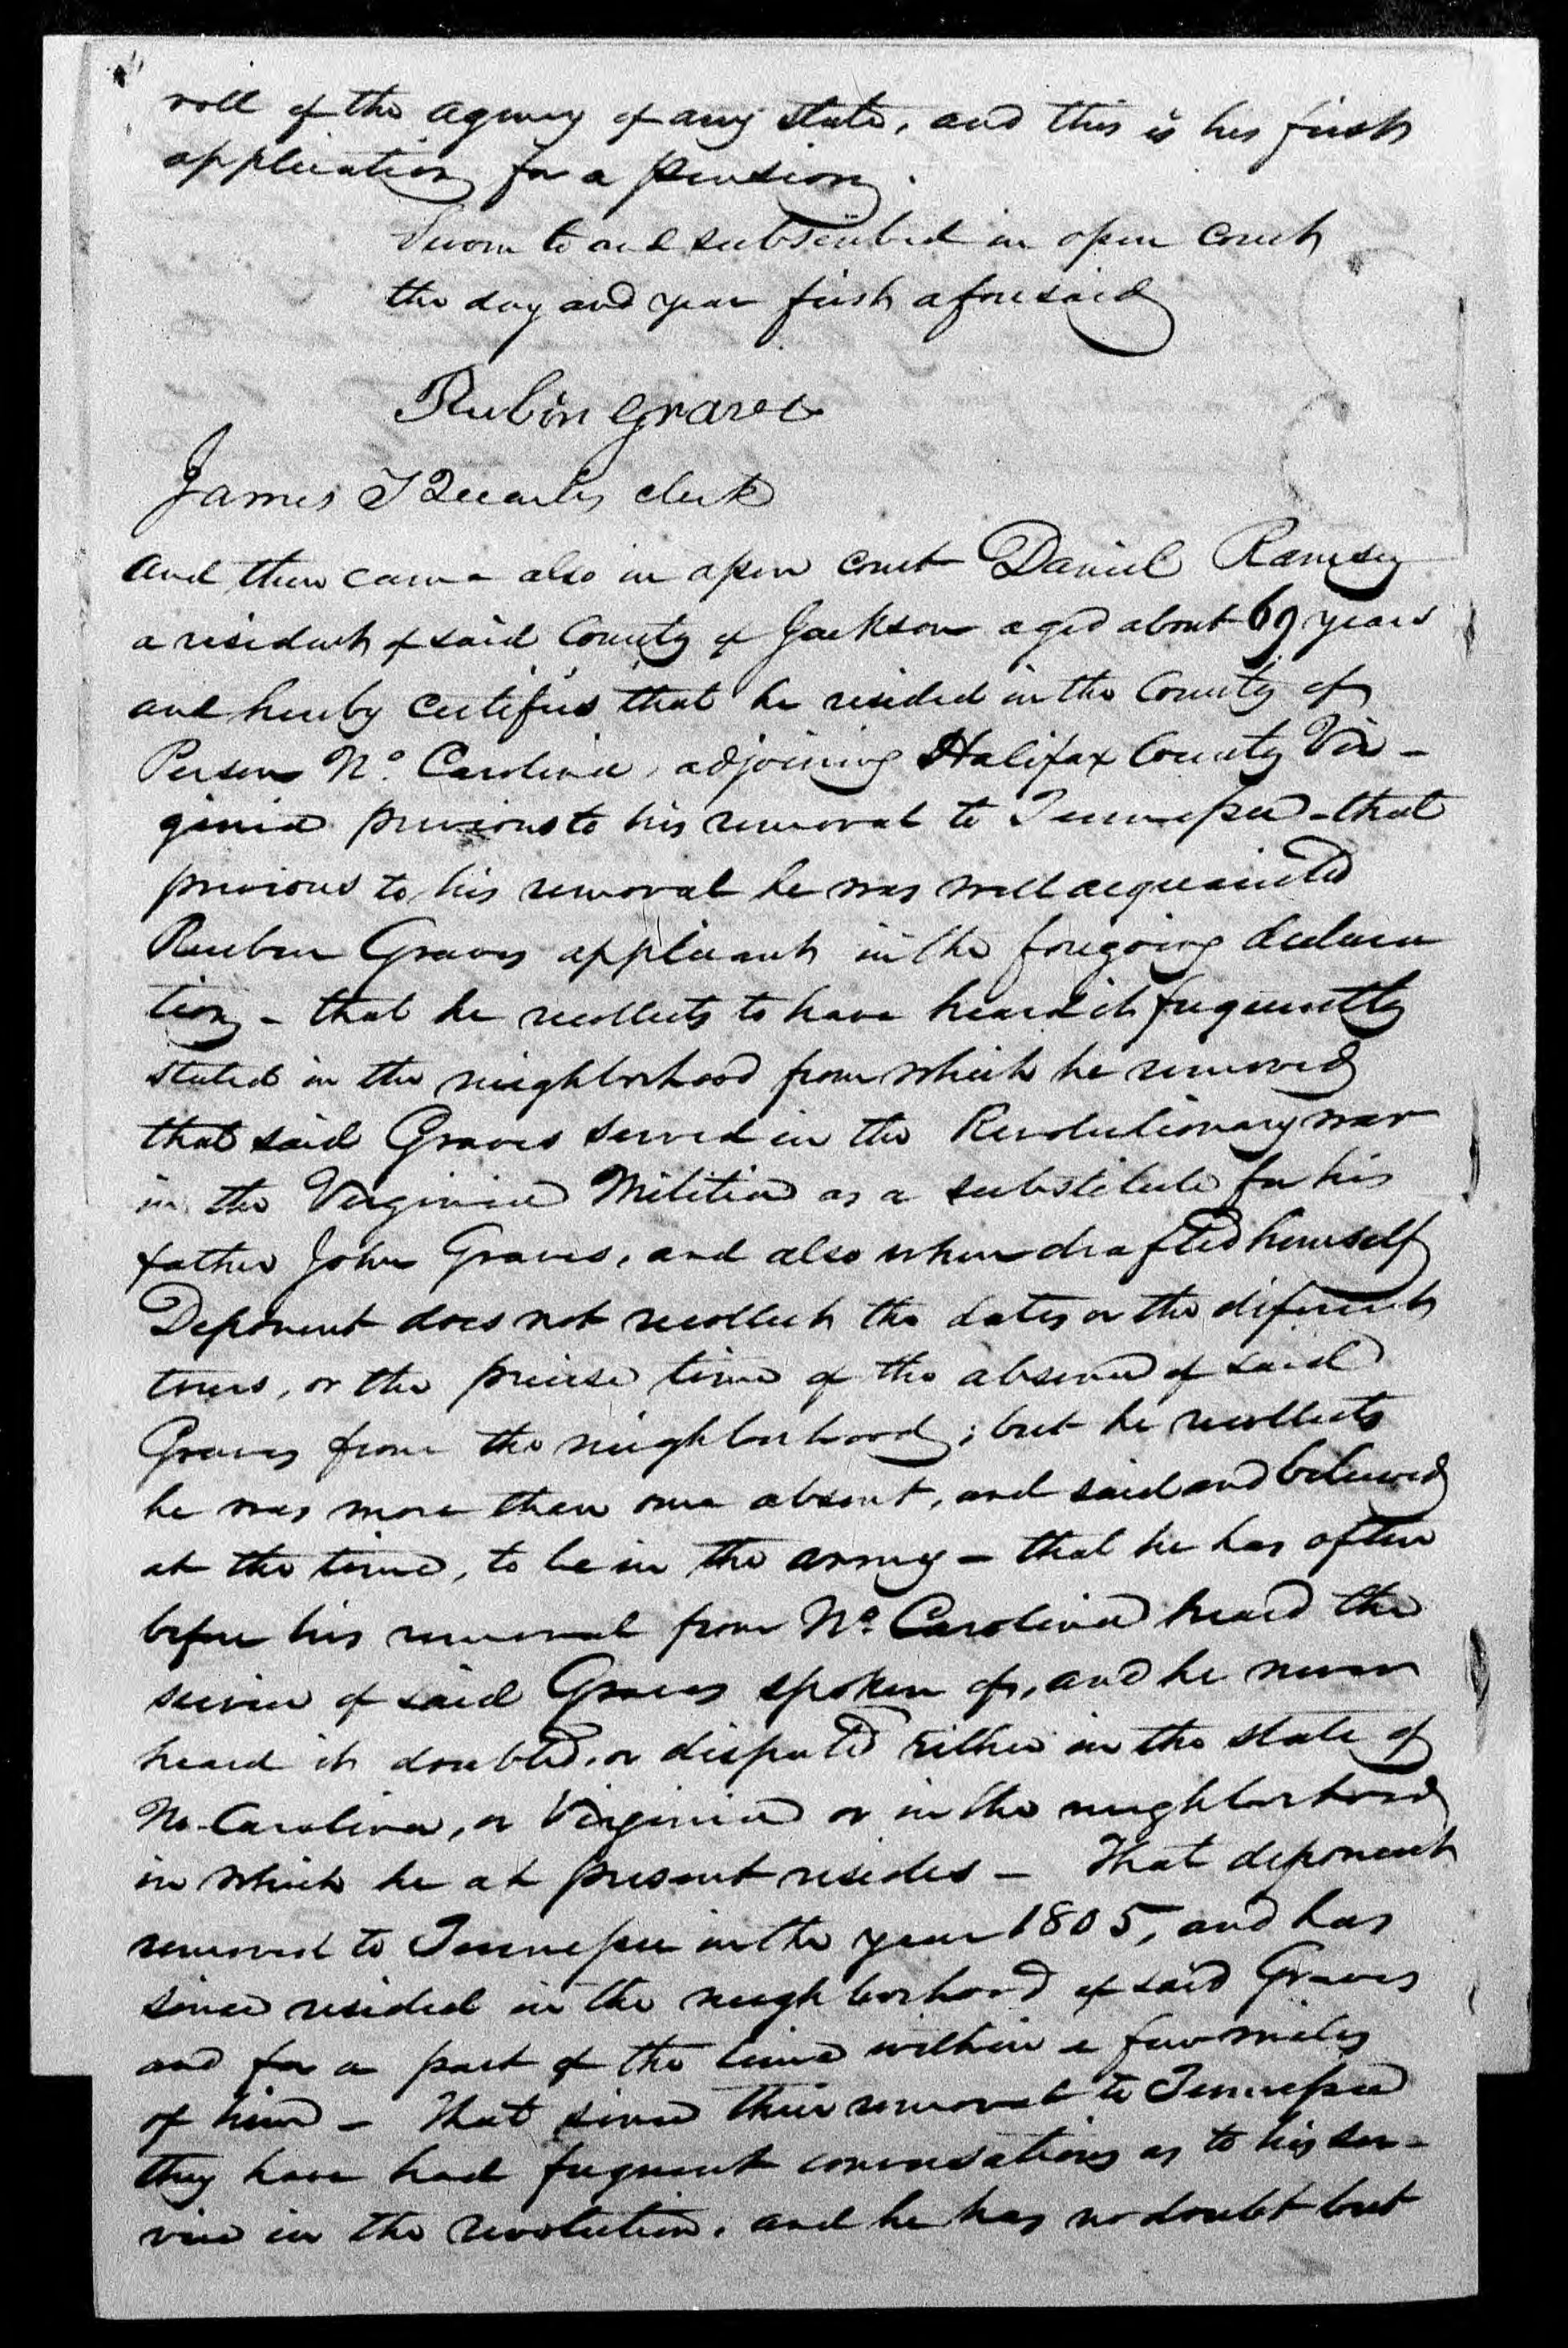roll of the agency of any state, and this is his first application for a pension.

Sworn to and subscribed in open court the day and year first aforesaid

Ruben Graves

James T. Quarles Clerk

And then came also in open court Daniel Ramsey  a resident of said County of Jackson aged about 69 years and hereby certifies that he resided in the County of Persons North Carolina adjoining Halifax County Virginia previous to his removal to Tennessee and that previous to his removal eh was well acquainted Ruben Graves applicant in the foregoing declaration - that he recollects to have heard it frequently stated in the neighborhood from which he removed that said Graves served in the Revolutionary war in the Virginia Militia as a substitute for his father John Graves and also when drafted himself, Deponent does not recollect the dates or the different times, or the precise time of the absence of said Graves from the neighborhood; but he recollects  he was more than once absent, and said and believed  at the time, to be in the army  - that he has often before his removal from North Carolina heard the service of said Graves spoken of, and he never heard it doubted or disputed neither in the state of North Carolina, or Virginia or in the neighborhood in which he at present resides.  That deponent removed to Tennessee in the year 1805, and has since resided in the neighborhood of said Graves, and for a part of the time within a few miles of him.  That since their removal to Tennessee they have had frequent conversations as to his service in the revolution, and he has no doubt that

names: Daniel Ramsey, Graves, Reuben Graves, Graves, Rubin Graves, Graves, John Graves, James T Quarles, Graves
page: 7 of 22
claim: survivor's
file: S. 3408, Reuben Graves, Va.